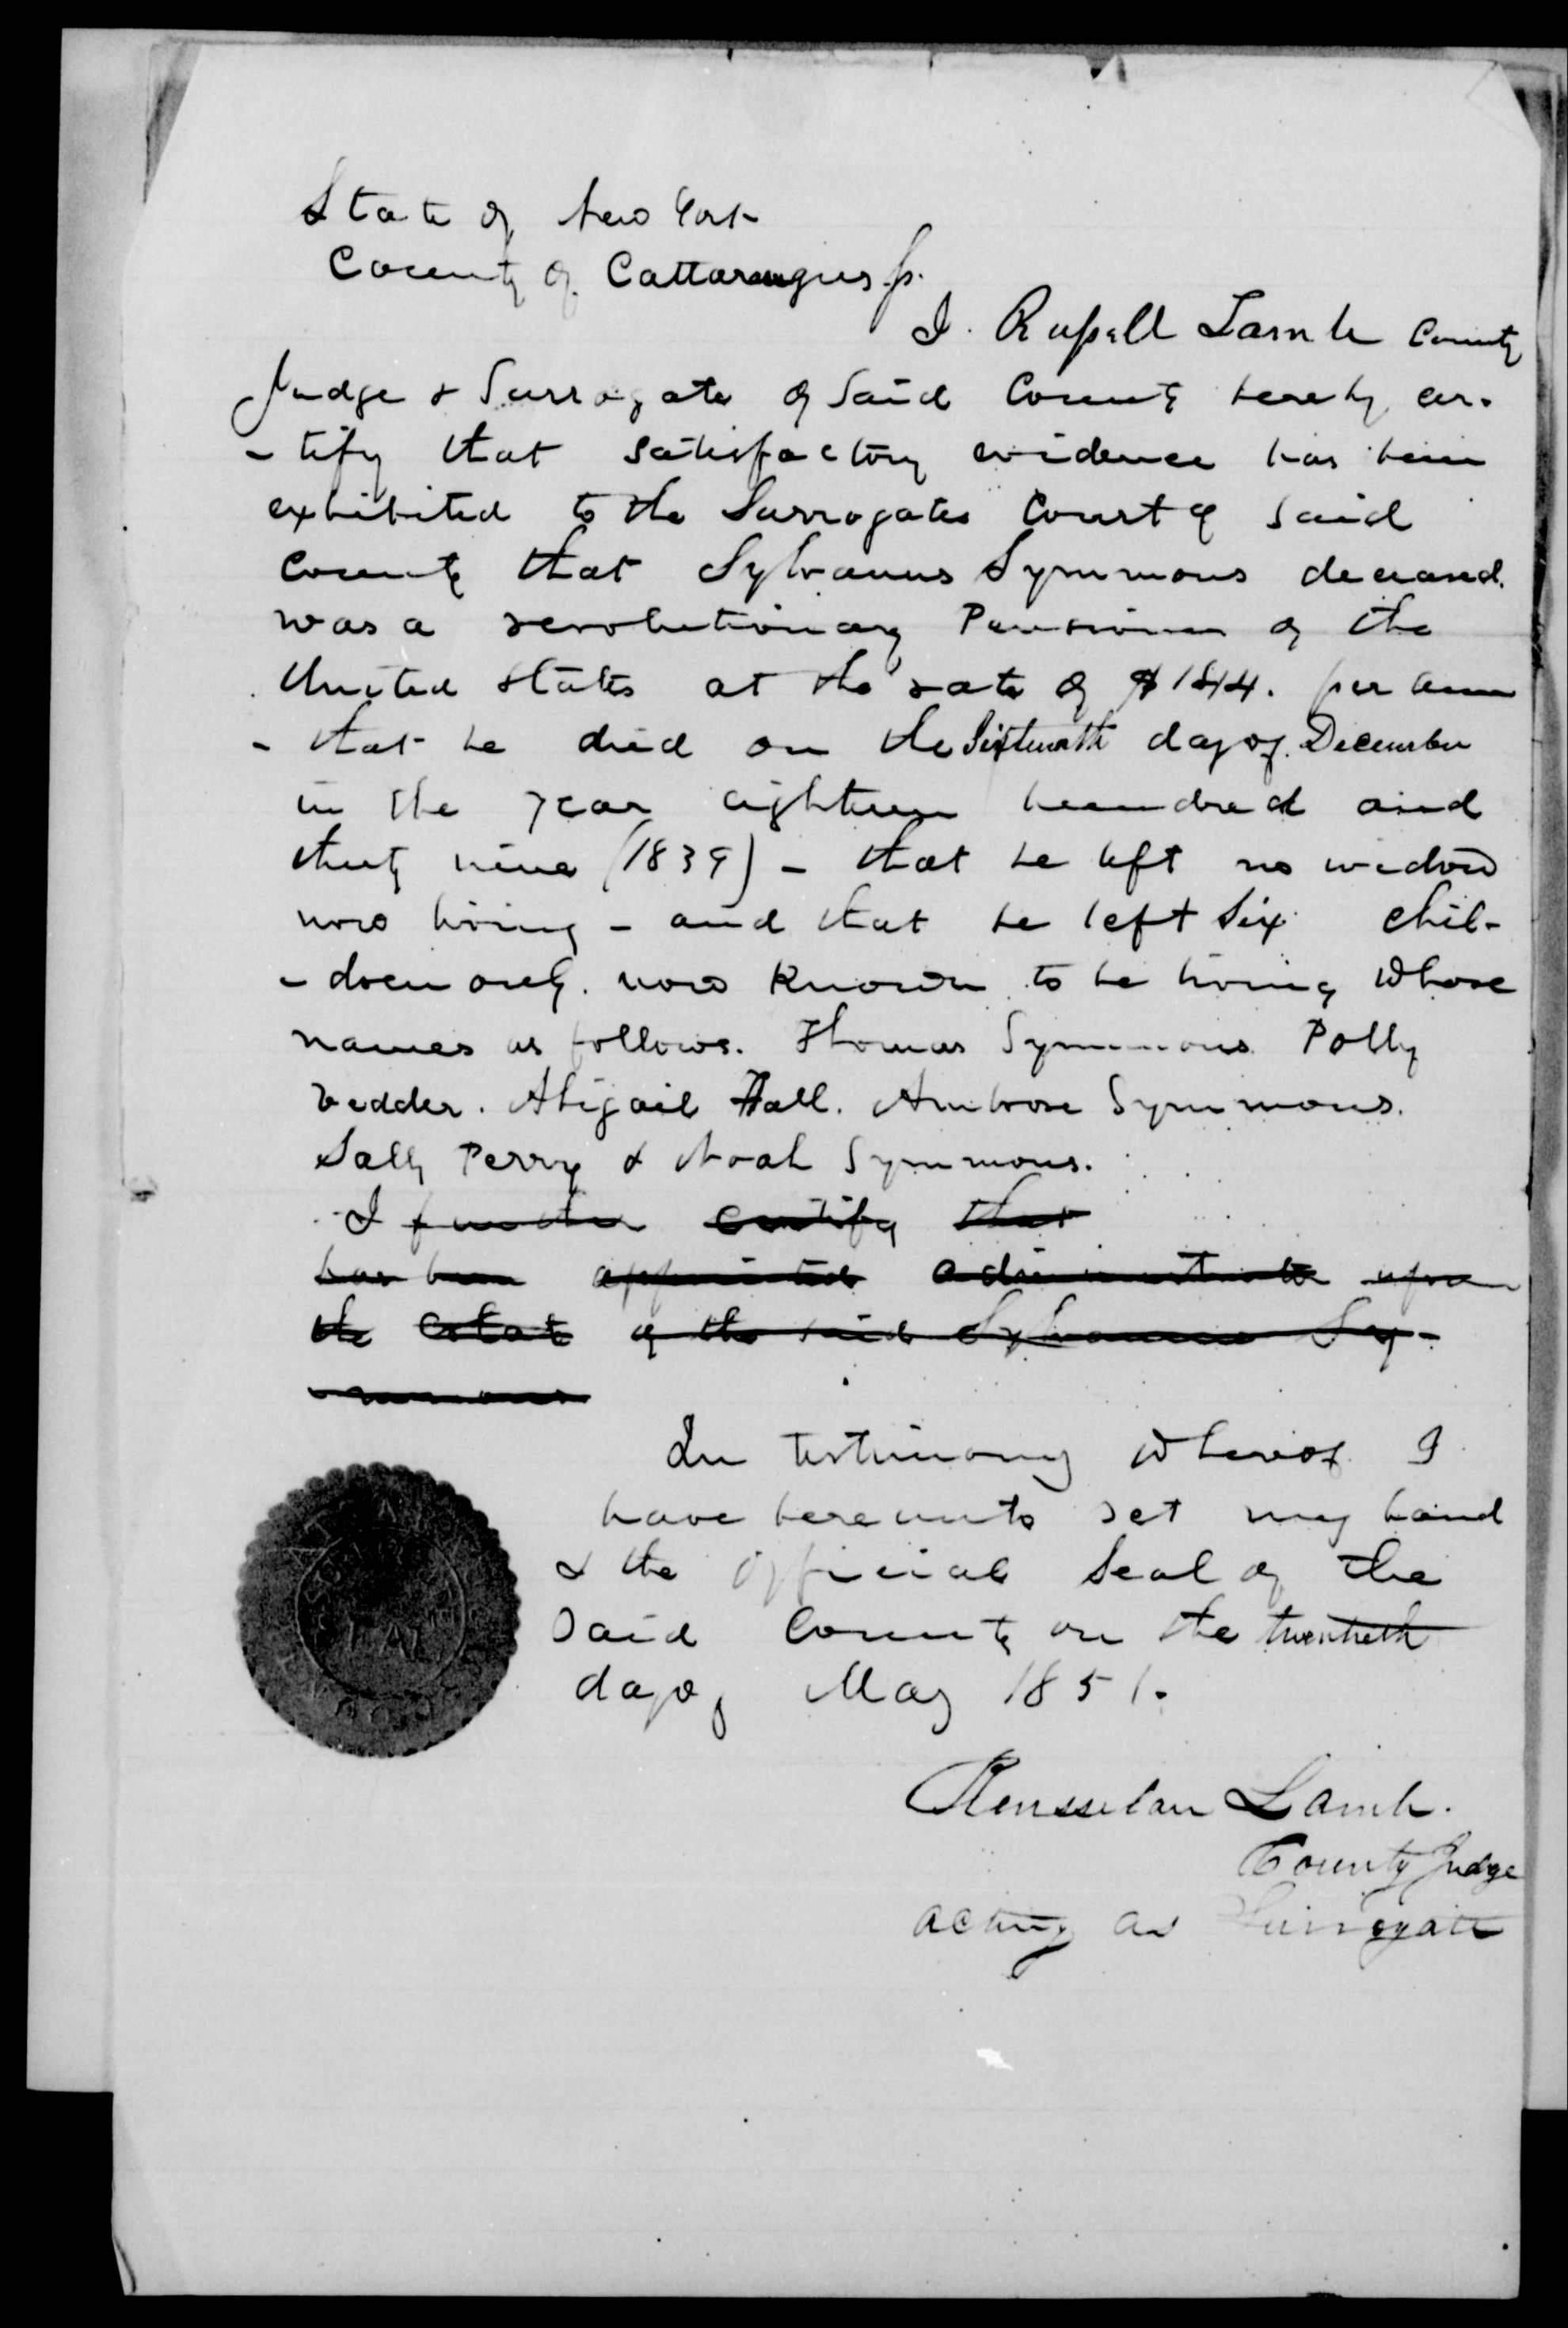State of New York
County of Cattaraugus  ss
I Russell Lamb County
Judge & Surrogate of said County hereby
certify that satisfactory evidence has been
exhibited to the Surrogate Court of said
County that Sylvanus Symmons deceased
was a revolutionary portion of the
United States at the rate of $144. per annum
that he died on the Sixteenth day of December
in the year eighteen
hundred and
thirty nine (1839)-- that he left no widow
now living - and that he left six
children 
only. now known to be living whose
names as follows, Thomas Symmons, Polly
Vedder, Abigail Hall, Ambrose Symmons,
Sally Perry & Noah Symmons
[Crossed out sentence]
In testimony whereof I
have hereunto set my hand
& the official Seal of the
said County on the twentieth
day of May 1851
Rensselarr Lamb
County Judge
acting as Surrogate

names: Abigail Hall; Thomas Symmons; Sally Perry; Polly Vedder; Sylvanus Symmons; Russell Lamb; Ambrose Symmons; Noah Symmons; Sylvanus Symmons; Reusselan Lamb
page: 11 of 31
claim: survivor's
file: S. 14484, for Sylvanus Simmons, New York